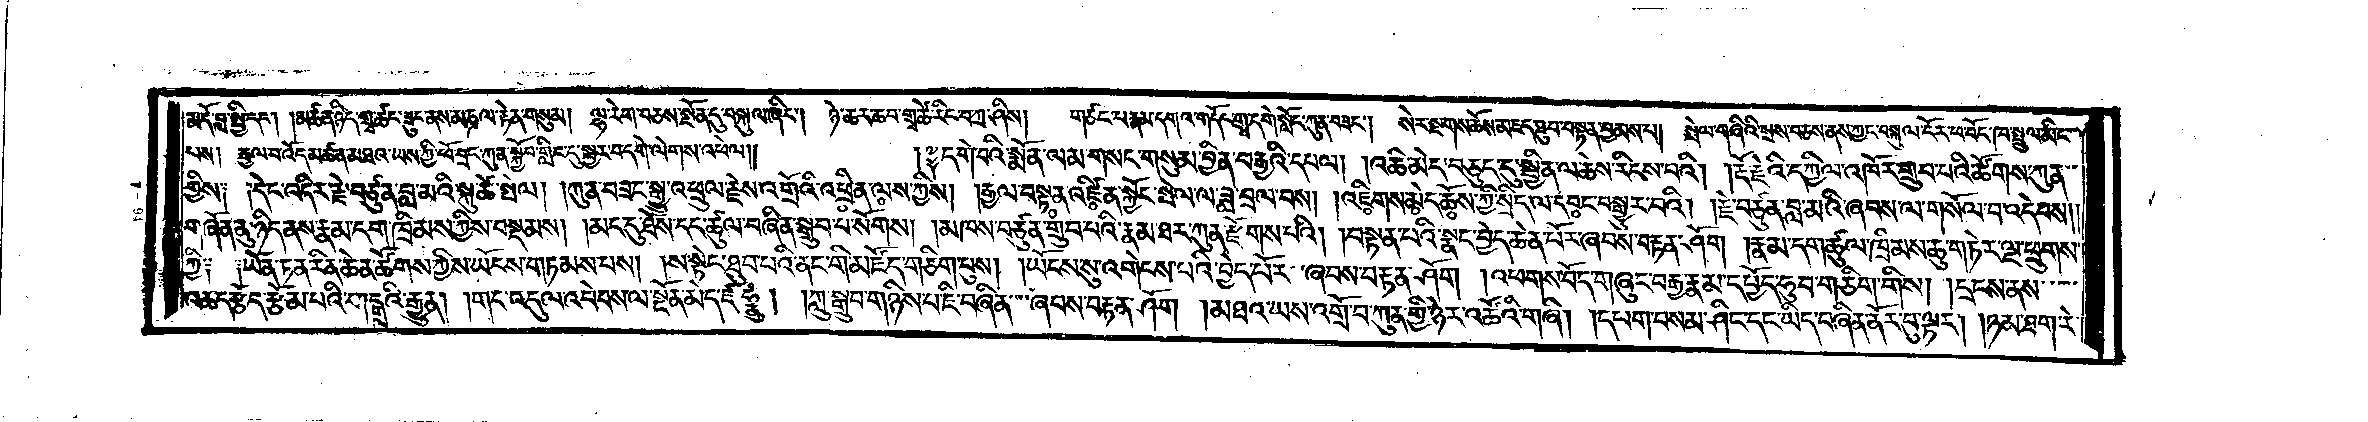མནོ་བླ་སྤྱི་དང་། །མཚན་ཉིད་གྲྭ་ཚང་ཟུང་ནས་མཎྜལ་རྟེན་གསུམ། ལྷ་རེག་བཅས་སྔོན་དུ་བསྐུལ་ཞིང་། ཉེ་ཆར་ཆབ་གྲྭ་ཚེ་རིང་བཀྲ་ཤིས། གཙང་པ་ནམ་དགའ་གདོང་གྲྭ་དགེ་སློང་ཀུན་བཟང་། སེར་སྔགས་ཆོས་མཛད་ཐུབ་བསྟན་བྱམས་པ། སྤེལ་གཞིའི་སྲས་བཅས་ནས་ཀྱང་བསྐུལ་ངོར་ཕ་བོང་ཁ་སྤྲུལ་མིང་
པས། རྒྱལ་བ་འོད་མཚན་མཐའ་ཡས་ཀྱི་ཕོ་བྲང་ཀུན་སྐྱོབ་གླིང་དུ་སྦྱར་བ་དགེ་ལེགས་འཕེལ།། ། ༈ དགེ་བའི་སྨོན་ལམ་གསང་གསུམ་བྱིན་བརྒྱའི་དཔལ། །འཆི་མེད་བཅུང་དུ་སྦྱིན་ལ་ཆེས་རིངས་པའི། །རྡོ་རྗེའི་དཀྱིལ་འཁོར་གྲུབ་པའི་ཚོགས་ཀུན་
གྱིས༑ ༑དེང་འདིར་རྗེ་བཙུན་བླ་མའི་སྐུ་ཚེ་སྤེལ། །ཀུན་བཟང་སྒྱུ་འཕྲུལ་རྗེ་འགྲོའི་འཕྲིན་ལས་ཀྱིས། །རྒྱལ་བསྟན་འཛིན་སྐྱོང་སྤེལ་ལ་ཟླ་བྲལ་པས། །འཇིགས་མེད་ཆོས་ཀྱི་སྲིད་ལ་དབང་བསྒྱུར་བའི། །རྗེ་བཙུན་བླ་མའི་ཞབས་ལ་གསོལ་བ་འདེབས།།
གཞོན་ནུ་ཉིད་ནས་རྣམ་དག་ཁྲིམས་ཀྱིས་བསྡམས། །མང་དུ་ཐོས་དང་ཚུལ་བཞིན་སྒྲུབ་པ་སོགས། །མཁས་བཙུན་གྲུབ་པའི་རྣམ་ཐར་ཀུན་རྫོགས་པའི། །བསྟན་པའི་སྣང་བྱེད་ཆེན་པོར་ཞབས་བརྟན་ཤོག །རྣམ་དག་ཚུལ་ཁྲིམས་ཆུ་གཏེར་ལྔ་ཕྲུགས་
ཀྱི༑ ༑ཡོན་ཏན་རིན་ཆེན་ཚོགས་ཀྱིས་ཡོངས་གཏམས་པས། །ས་སྟེང་ཐུབ་པའི་ནང་གི་མཛོད་གཅིག་བུས། །ཡོངས་སུ་འགེངས་པའི་བྱེད་པོར ༧ཞབས་བརྟན་ཤོག །འཕགས་བོད་གཞུང་བརྒྱ་རྣམ་དཔྱོད་ཧུབ་གཅིག་གིས། །དྲངས་ནས་
འཆད་རྩོད་རྩོམ་པའི་གངྒཱའི་རྒྱུན། །གང་གདུལ་འབེབས་ལ་སྔོན་མེད་ཛ་ཧུ་ནུ། །ཀླུ་སྒྲུབ་གཉིས་པ་ཇི་བཞིན ༧་ཞབས་བརྟན་ཤོག །མཐའ་ཡས་འགྲོ་བ་ཀུན་གྱི་ཉེར་འཚོའི་གཞི། །དཔག་བསམ་ཤིང་དང་ཡིད་བཞིན་ནོར་བུ་ལྟར། །ཉམ་ཐག་རེ་